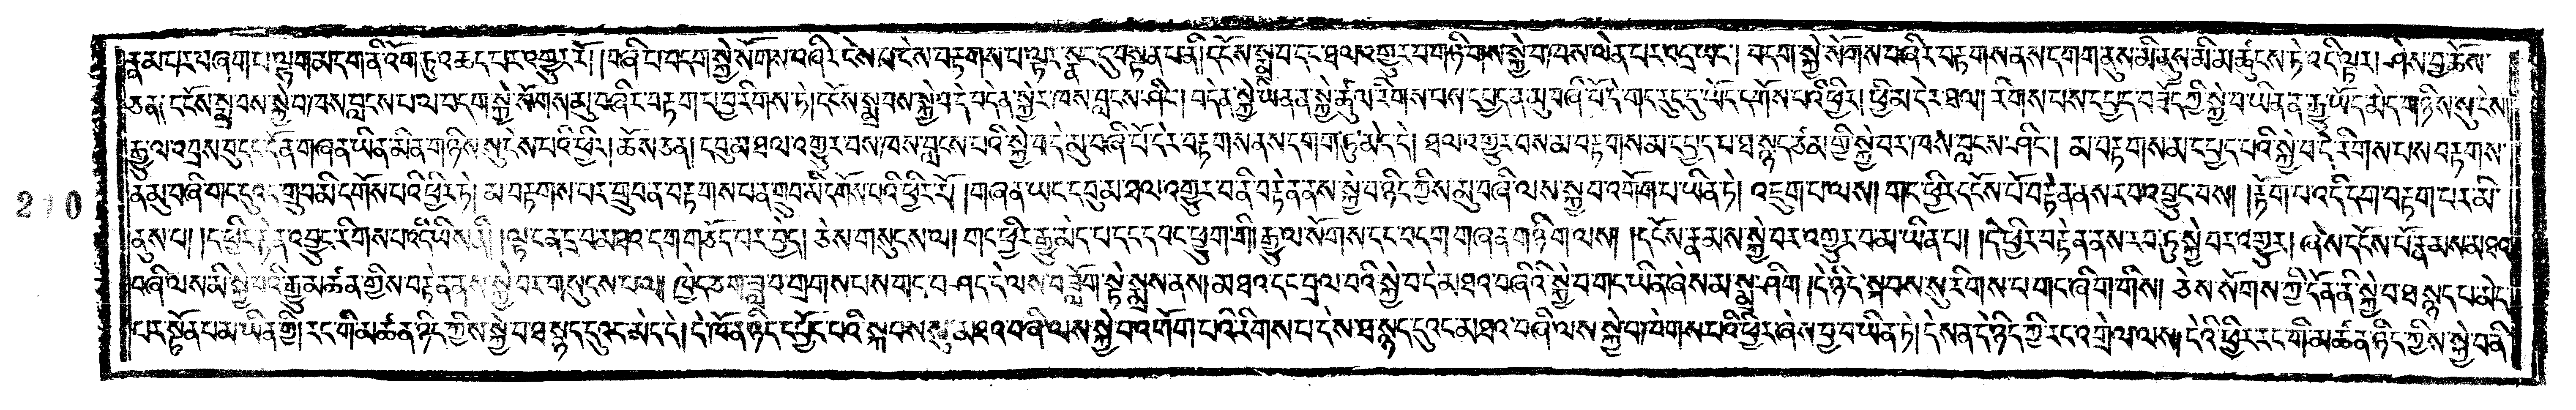རྣམ་པར་བཞག་པ་ལྷག་མ་དག་ནི་འོག་ཏུ་འཆད་པར་འགྱུར་རོ། །བཞི་པ་བདག་སྐྱེ་སོགས་བཞིང་ངེས་མ་ངེས་བརྟགས་པ་ལྟར་སྣང་དུ་བསྟན་པ་ནི། དངོས་སྨྲ་བ་དང་ཐལ་འགྱུར་བ་གཉི་གས་སྐྱེ་བ་ཁས་ལེན་པར་འདྲ་ཡང་། བདག་སྐྱེ་སོགས་བཞིར་བརྟགས་ནས་དགག་ནུས་མི་ནུས་མི་མཚུངས་ཏེ་འདི་ལྟར། ཤེས་བྱ་ཆོས་
ཅན༑ དངོས་སྨྲ་བས་སྐྱེ་བ་ཁས་བླངས་པ་ལ་བདག་སྐྱེ་སོགས་མུ་བཞིར་བརྟག་པ་བྱ་རིགས་ཏེ། དངོས་སྨྲ་བས་སྐྱེ་བ་དེ་བདེན་སྐྱེར་ཁས་བླངས་ཤིང་། བདེན་སྐྱེ་ཡིན་ན་སྐྱེ་ཚུལ་རིགས་པས་དཔྱད་ན་མུ་བཞི་པོ་དེ་གང་རུང་དུ་ཡོད་དགོས་པའི་ཕྱིར། ཕྱི་མ་དེར་ཐལ། རིགས་པས་དཔྱད་བཟོད་ཀྱི་སྐྱེ་བ་ཡིན་ན་རྒྱུ་ཡོད་མེད་གཉིས་སུ་ངེས་
རྒྱུ་ལ་འབྲས་བུ་དང་དོན་གཞན་ཡིན་མིན་གཉིས་སུ་ངེས་པའི་ཕྱིར། ཆོས་ཅན། དབུ་མ་ཐལ་འགྱུར་བས་ཁས་བླངས་པའི་སྐྱེ་བ་དེ་མུ་བཞི་པོ་དེར་བརྟགས་ནས་དགག་ཏུ་མེད་དེ། ཐལ་འགྱུར་བས་མ་བརྟགས་མ་དཔྱད་ཐ་སྙད་ཙམ་གྱི་སྐྱེ་བར་ཁས་བླངས་ཤིང་། མ་བརྟགས་མ་དཔྱད་པའི་སྐྱེ་བ་དེ་རིགས་པས་བརྟགས་
ན་མུ་བཞི་གང་དུའང་གྲུབ་མི་དགོས་པའི་ཕྱིར་ཏེ། མ་བརྟགས་པར་གྲུབ་ན་བརྟགས་པ་ན་གྲུབ་མི་དགོས་པའི་ཕྱིར་རོ། །གཞན་ཡང་དབུ་མ་ཐལ་འགྱུར་བ་ནི་བརྟེན་ནས་སྐྱེ་བ་ཉིད་ཀྱིས་མུ་བཞི་ལས་སྐྱེ་བ་འགོག་པ་ཡིན་ཏེ། འཇུག་པ་ལས། གང་ཕྱིར་དངོས་པོ་བརྟེན་ནས་རབ་འབྱུང་བས། །རྟོག་པ་འདི་དག་བརྟག་པར་མི་
ནུས་པ། །ད་ཕྱིར་རྟེན་འབྱུང་རིགས་པ་འདི་ཡིས་ནི། །ལྟ་ངན་དྲ་བ་མཐའ་དག་གཅོད་པར་བྱེད། ཅེས་གསུངས་ལ། གང་ཕྱིར་རྒྱུ་མེད་པ་དང་དབང་ཕྱུག་གི། རྒྱུ་ལ་སོགས་དང་བདག་གཞན་གཉི་ག་ལས། །དངོས་རྣམས་སྐྱེ་བར་འགྱུར་བ་མ་ཡིན་པ། །དེ་ཕྱིར་བརྟེན་ནས་རབ་ཏུ་སྐྱེ་བར་འགྱུར། ཞེས་དངོས་པོ་རྣམས་མཐའ་
བཞི་ལས་མི་སྐྱེ་བའི་རྒྱུ་མཚན་གྱིས་བརྟེན་ནས་སྐྱེ་བར་གསུངས་པ་ལ། ཁྱེད་ཅག་ཟླ་བ་གྲགས་པས་གང་བཤད་དེ་ལས་བཟློག་སྟེ་སྨྲས་ནས། མཐའ་དང་བྲལ་བའི་སྐྱེ་བ་དེ་མཐའ་བཞིའི་སྐྱེ་བ་གང་ཡིན་ཞེས་མ་སྨྲ་ཤིག །དེ་ཉིད་སྐབས་སུ་རིགས་པ་གང་ཞིག་གིས། ཅེས་སོགས་ཀྱི་དོན་ནི་སྐྱེ་བ་ཐ་སྙད་པ་མེད་
པར་སྟོན་པ་མ་ཡིན་གྱི། རང་གི་མཚན་ཉིད་ཀྱིས་སྐྱེ་བ་ཐ་སྙད་དུའང་མེད་དེ། དེ་ཁོ་ན་ཉིད་དཔྱོད་པའི་སྐབས་སུ་མཐའ་བཞི་ལས་སྐྱེ་བ་འགོག་པའི་རིགས་པ་དེས་ཐ་སྙད་དུའང་མཐའ་བཞི་ལས་སྐྱེ་བ་ཁེགས་པའི་ཕྱིར་ཞེས་བྱ་བ་ཡིན་ཏེ། དེས་ན་དེ་ཉིད་ཀྱི་རང་འགྲེལ་ལས། དེའི་ཕྱིར་རང་གི་མཚན་ཉིད་ཀྱིས་སྐྱེ་བ་ནི་